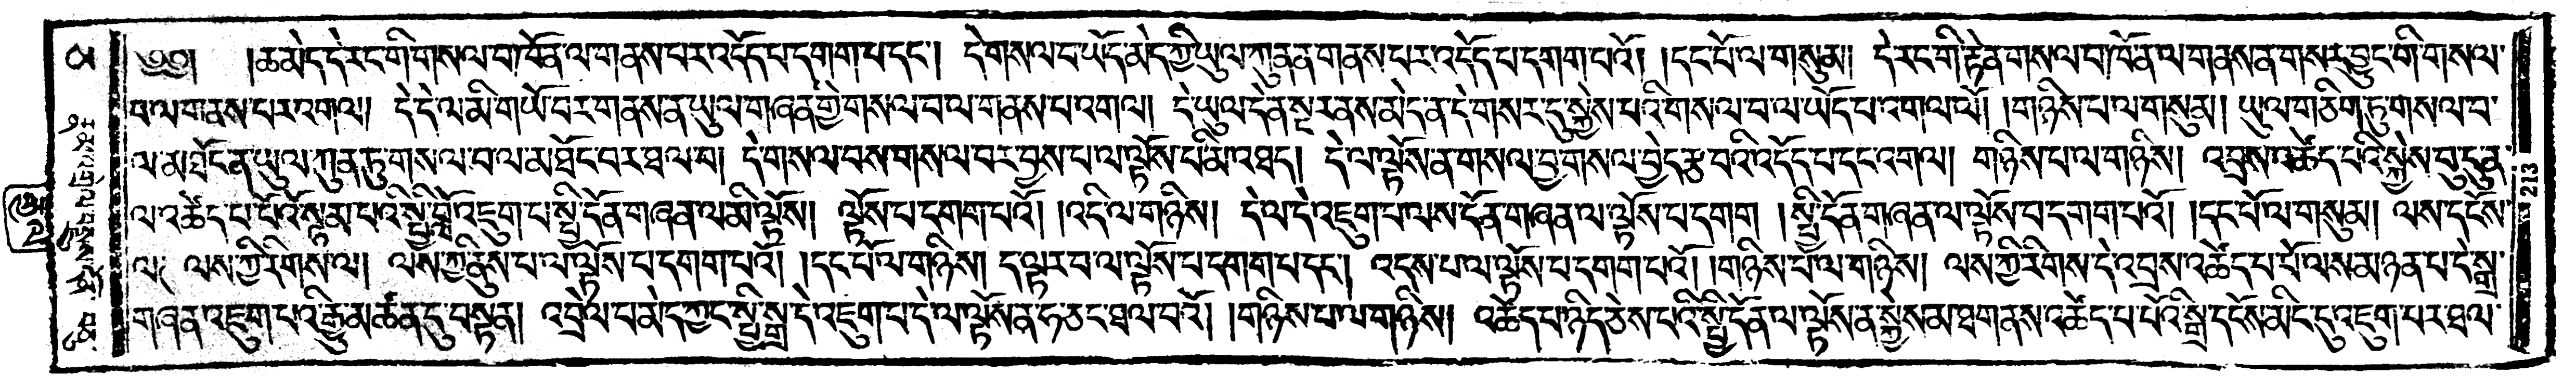༄༅། །ཆ་མེད་དེ་རང་གི་གསལ་བ་ཁོ་ན་ལ་གནས་པར་འདོད་པ་དགག་པ་དང་། དེ་གསལ་བ་ཡོད་མེད་ཀྱི་ཡུལ་ཀུན་ན་གནས་པར་འདོད་པ་དགག་པའོ། །དང་པོ་ལ་གསུམ། དེ་རང་གི་རྟེན་གསལ་བ་ཁོ་ན་ལ་གནས་ན་གསར་བྱུང་གི་གསལ་
བ་ལ་གནས་པར་འགལ། དེ་དེ་ལ་མི་གཡོ་བར་གནས་ན་ཡུལ་གཞན་གྱི་གསལ་བ་ལ་གནས་པ་འགལ། དེ་ཡུལ་དེ་ན་སྔར་ནས་མེད་ན་དེ་གསར་དུ་སྐྱེས་པའི་གསལ་བ་ལ་ཡོད་པ་འགལ་ལོ། །གཉིས་པ་ལ་གསུམ། ཡུལ་གཅིག་ཏུ་གསལ་བ་
ལ་མཐོང་ན་ཡུལ་ཀུན་ཏུ་གསལ་བ་ལ་མཐོང་བར་ཐལ་བ། དེ་གསལ་བས་གསལ་བར་བྱས་པ་ལ་ལྟོས་པ་མི་འཐད། དེ་ལ་ལྟོས་ན་གསལ་བྱ་གསལ་བྱེད་རྩ་བའི་འདོད་པ་དང་འགལ། གཉིས་པ་ལ་གཉིས། འབྲས་འཚེད་པའི་སྐྱེས་བུ་དུ་ན་
ལ་འཚེད་པ་པོའོ་སྙམ་པའི་སྤྱི་བློ་འཇུག་པ་སྤྱི་དོན་གཞན་ལ་མི་ལྟོས། ལྟོས་པ་དགག་པའོ། །འདི་ལ་གཉིས། དེ་ལ་དེ་འཇུག་པ་ལས་དོན་གཞན་ལ་ལྟོས་པ་དགག །སྤྱི་དོན་གཞན་ལ་ལྟོས་པ་དགག་པའོ། །དང་པོ་ལ་གསུམ། ལས་དངོས་
ལ། ལས་ཀྱི་རིགས་ལ། ལས་ཀྱི་ནུས་པ་ལ་ལྟོས་པ་དགག་པའོ། །དང་པོ་ལ་གཉིས། ད་ལྟར་བ་ལ་ལྟོས་པ་དགག་པ་དང་། འདས་པ་ལ་ལྟོས་པ་དགག་པའོ། །གཉིས་པ་ལ་གཉིས། ལས་ཀྱི་རིགས་དེ་འབྲས་འཚེད་པ་པོ་ལས་མཉན་པ་དེ་སྒྲ་
གཞན་འཇུག་པའི་རྒྱུ་མཚན་དུ་བསྟན། འབྲེལ་པ་མེད་ཀྱང་སྤྱི་སྒྲ་དེ་འཇུག་པ་དེ་ལ་ལྟོས་ན་ཧ་ཅང་ཐལ་བའོ། །གཉིས་པ་ལ་གཉིས། འཚེད་པ་ཉིད་ཅེས་པའི་སྤྱི་དོན་ལ་ལྟོས་ན་སྐྱེས་མ་ཐག་ནས་འཚེད་པ་པོའི་སྒྲ་དངོས་མིང་དུ་འཇུག་པར་ཐལ་